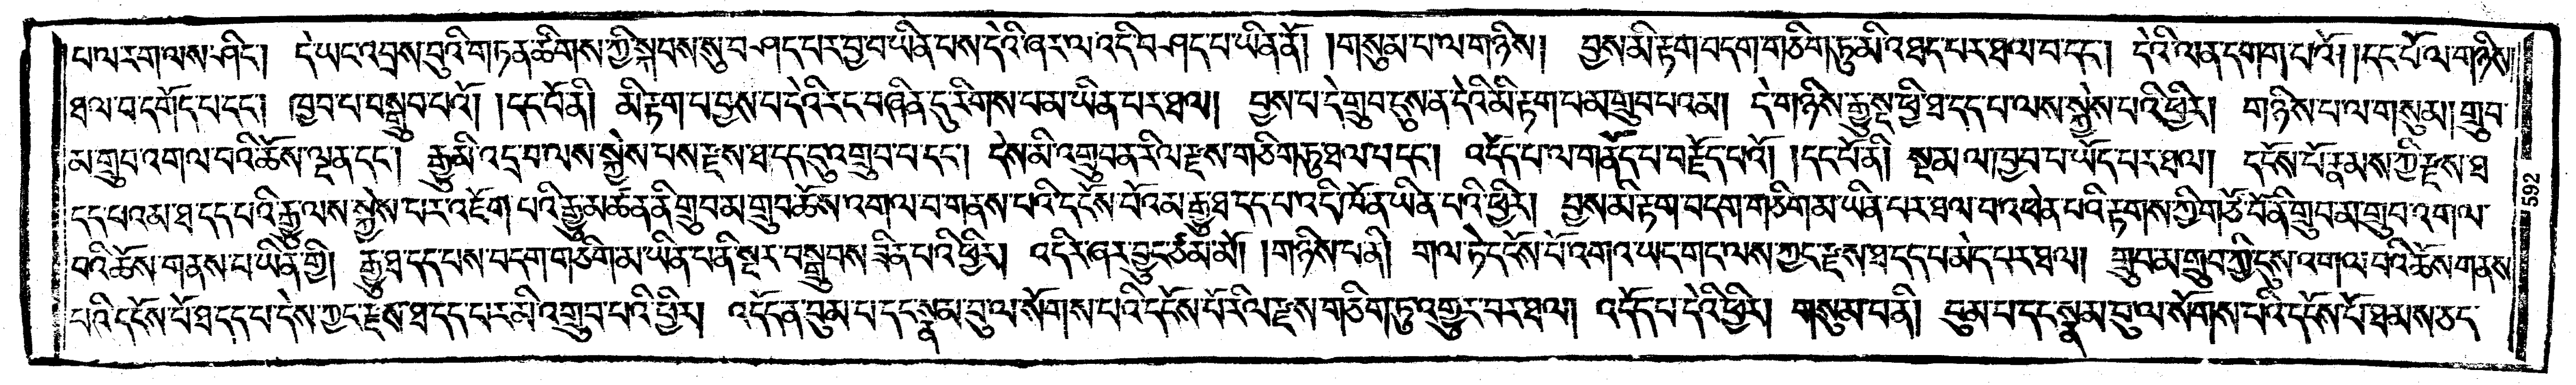པ་ལ་རག་ལས་ཤིང་། དེ་ཡང་འབྲས་བུའི་གཏན་ཚིགས་ཀྱི་སྐབས་སུ་བཤད་པར་བྱ་བ་ཡིན་པས་དེའི་ཞར་ལ་འདི་བཤད་པ་ཡིན་ནོ། །གསུམ་པ་ལ་གཉིས། བྱས་མི་རྟག་བདག་གཅིག་ཏུ་མི་འཐད་པར་ཐལ་བ་དང་། དེའི་ལན་དགག་པའོ། །དང་པོ་ལ་གཉིས།
ཐལ་བ་དགོད་པ་དང་། ཁྱབ་པ་བསྒྲུབ་པའོ། །དང་པོ་ནི། མི་རྟག་པ་བྱས་པ་དེའི་རང་བཞིན་དུ་རིགས་པ་མ་ཡིན་པར་ཐལ། བྱས་པ་དེ་གྲུབ་དུས་ན་དེའི་མི་རྟག་པ་མ་གྲུབ་པའམ། དེ་གཉིས་རྒྱུ་སྔ་ཕྱི་ཐ་དད་པ་ལས་སྐྱེས་པའི་ཕྱིར། གཉིས་པ་ལ་གསུམ། གྲུབ་
མ་གྲུབ་འགལ་བའི་ཆོས་ལྡན་དང་། རྒྱུ་མི་འདྲ་བ་ལས་སྐྱེས་པས་རྫས་ཐ་དད་དུ་འགྲུབ་པ་དང་། དེས་མི་འགྲུབ་ན་རིལ་རྫས་གཅིག་ཏུ་ཐལ་བ་དང་། འདོད་པ་ལ་གནོད་པ་བརྗོད་པའོ། །དང་པོ་ནི། སྔ་མ་ལ་ཁྱབ་པ་ཡོད་པར་ཐལ། དངོས་པོ་རྣམས་ཀྱི་རྫས་ཐ་
དད་པའམ་ཐ་དད་པའི་རྒྱུ་ལས་སྐྱེས་པར་འཇོག་པའི་རྒྱུ་མཚན་ནི་གྲུབ་མ་གྲུབ་ཆོས་འགལ་བ་གནས་པའི་དངོས་པོའམ་རྒྱུ་ཐ་དད་པ་འདི་ཁོ་ན་ཡིན་པའི་ཕྱིར། བྱས་མི་རྟག་བདག་གཅིག་མ་ཡིན་པར་ཐལ་བ་འཕེན་པའི་རྟགས་ཀྱི་གཙོ་བོ་ནི་གྲུབ་མ་གྲུབ་འགལ་
བའི་ཆོས་གནས་པ་ཡིན་གྱི། རྒྱུ་ཐ་དད་པས་བདག་གཅིག་མ་ཡིན་པ་ནི་སྔར་བསྒྲུབས་ཟིན་པའི་ཕྱིར། འདིར་ཞར་བྱུང་ཙམ་མོ། །གཉིས་པ་ནི། གལ་ཏེ་དངོས་པོ་འགའ་ཡང་གང་ལས་ཀྱང་རྫས་ཐ་དད་པ་མེད་པར་ཐལ། གྲུབ་མ་གྲུབ་ཀྱི་དུས་འགལ་བའི་ཆོས་གནས་
པའི་དངོས་པོ་ཐ་དད་པ་དེས་ཀྱང་རྫས་ཐ་དད་པར་མི་འགྲུབ་པའི་ཕྱིར། འདོད་ན་བུམ་པ་དང་སྣམ་བུ་ལ་སོགས་པའི་དངོས་པོ་རིལ་རྫས་གཅིག་ཏུ་འགྱུར་བར་ཐལ། འདོད་པ་དེའི་ཕྱིར། གསུམ་པ་ནི། བུམ་པ་དང་སྣམ་བུ་ལ་སོགས་པའི་དངོས་པོ་ཐམས་ཅད་